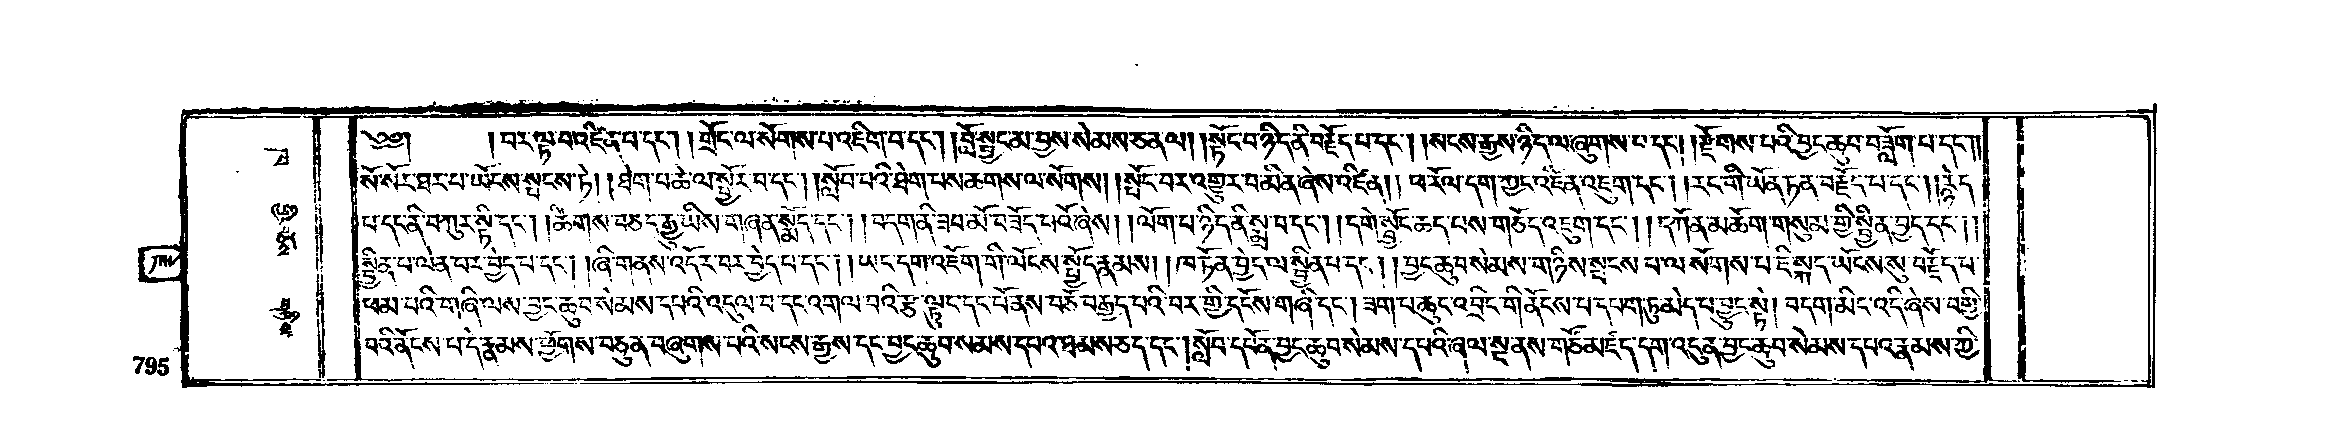༄༅། །པར་ལྟ་བ་འཛིན་པ་དང་། །གྲོང་ལ་སོགས་པ་འཇིག་པ་དང་། །བློ་སྦྱང་མ་བྱས་སེམས་ཅན་ལ། །སྟོང་པ་ཉིད་ནི་བརྗོད་པ་དང་། །སངས་རྒྱས་ཉིད་ལ་ཞུགས་པ་དང་། །རྫོགས་པའི་བྱང་ཆུབ་བཟློག་པ་དང་། །
སོ་སོར་ཐར་པ་ཡོངས་སྤངས་ཏེ། །ཐེག་པ་ཆེ་ལ་སྦྱོར་བ་དང་། །སློབ་པའི་ཐེག་པས་ཆགས་ལ་སོགས། །སྤོང་བར་འགྱུར་བ་མིན་ཞེས་འཛིན། །ཕ་རོལ་དག་ཀྱང་འཛིན་འཇུག་དང་། །རང་གི་ཡོན་ཏན་བརྗོད་པ་དང་། །རྙེད་
པ་དང་ནི་བཀུར་སྟི་དང་། །ཚིགས་བཅད་རྒྱུ་ཡིས་གཞན་སྨོད་དང་། །བདག་ནི་ཟབ་མོ་བཟོད་པའོ་ཞེས། །ལོག་པ་ཉིད་ནི་སྨྲ་བ་དང་། །དགེ་སྦྱོང་ཆད་པས་གཅོད་འཇུག་དང་། །དཀོན་མཆོག་གསུམ་གྱི་སྦྱིན་བྱད་དང་། །
སྦྱིན་པ་ལེན་པར་བྱེད་པ་དང་། །ཞི་གནས་འདོར་བར་བྱེད་པ་དང་། །ཡང་དག་འཇོག་གི་ལོངས་སྤྱོད་རྣམས། །ཁ་ཏོན་བྱེད་ལ་སྦྱིན་པ་དང་། །བྱང་ཆུབ་སེམས་གཉིས་སྤངས་པ་ལ་སོགས་པ་ཇི་སྐད་ཡོངས་སུ་བརྗོད་པ་
ཕམ་པའི་གཞི་ལས་བྱང་ཆུབ་སེམས་དཔའི་འདུལ་བ་དང་འགལ་བའི་རྩ་ལྟུང་དང་པོ་ནས་བཅོ་བརྒྱད་པའི་བར་གྱི་དངོས་གཞི་དང་། ཟག་པ་ཆུང་འབྲིང་གི་ནོངས་པ་དཔག་ཏུ་མེད་པ་བྱུང་སྟེ། བདག་མིང་འདི་ཞེས་བགྱི་
བའི་ནོངས་པ་དེ་རྣམས་ཕྱོགས་བཅུ་ན་བཞུགས་པའི་སངས་རྒྱས་དང་བྱང་ཆུབ་སེམས་དཔའ་ཐམས་ཅད་དང་། སློབ་དཔོན་བྱང་ཆུབ་སེམས་དཔའི་ཞལ་སྔ་ནས་གཙོ་མཛད་དགེ་འདུན་བྱང་ཆུབ་སེམས་དཔའ་རྣམས་ཀྱི་